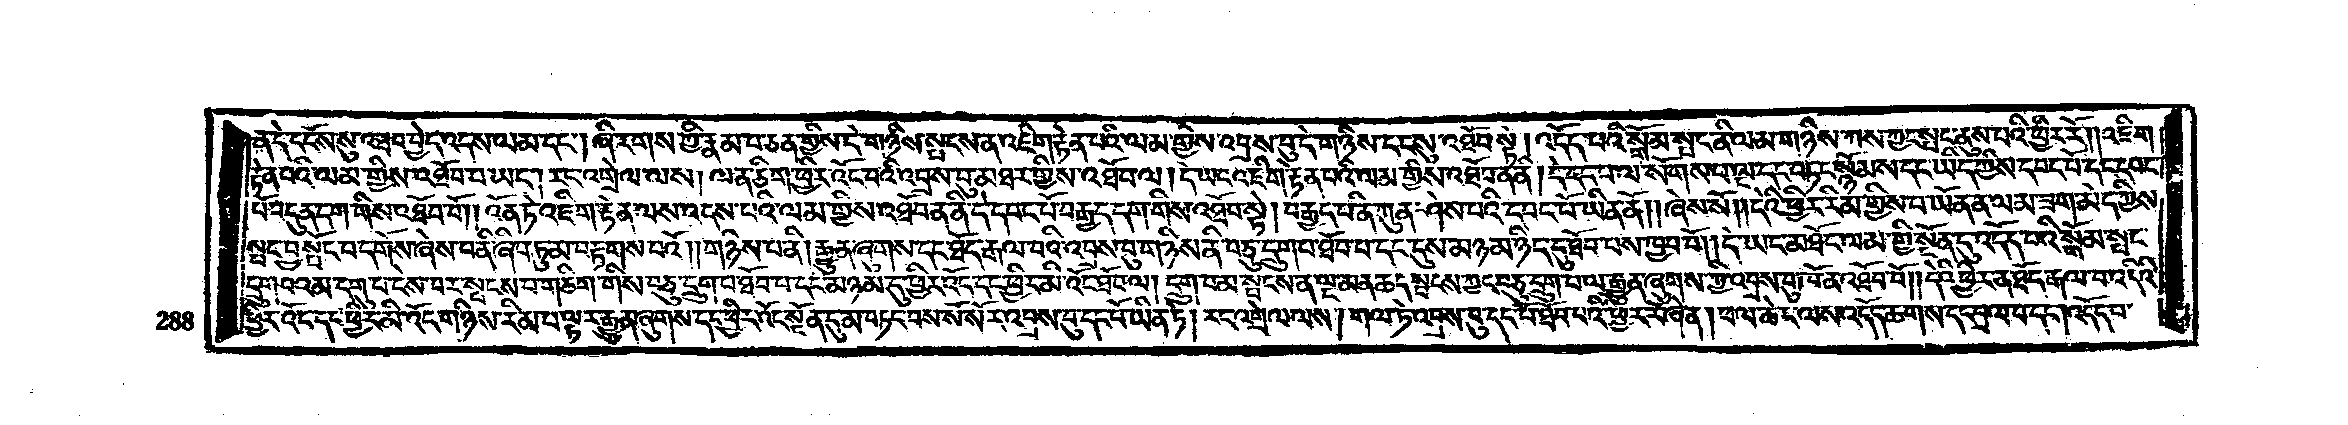ན་དེ་དངོས་སུ་འཐོབ་བྱེད་འདས་ལམ་དང་། ཞི་རགས་ཀྱི་རྣམ་པ་ཅན་གྱིས་དེ་གཉིས་སྤངས་ན་འཇིག་རྟེན་པའི་ལམ་གྱིས་འབྲས་བུ་དེ་གཉིས་དངོས་སུ་འཐོབ་སྟེ། འདོད་པའི་སྒོམ་སྤང་ནི་ལམ་གཉིས་ཀས་ཀྱང་སྤང་ནུས་པའི་ཕྱིར་རོ། །འཇིག་
རྟེན་པའི་ལམ་གྱིས་འཐོབ་པ་ཡང་། རང་འགྲེལ་ལས། ལན་ཅིག་ཕྱིར་འོང་བའི་འབྲས་བུ་མཐར་གྱིས་འཐོབ་ལ། དེ་ཡང་འཇིག་རྟེན་པའི་ལམ་གྱིས་འཐོབ་ན་ནི། དེ་དད་པ་ལ་སོགས་པ་ལྔ་དང་བཏང་སྙོམས་དང་ཡིད་ཀྱིས་དབང་པོ་དང་དབང་
པོ་བདུན་དག་གིས་འཐོབ་བོ། །འོན་ཏེ་འཇིག་རྟེན་ལས་འདས་པའི་ལམ་གྱིས་འཐོབ་ན་ནི་དེ་དབང་པོ་བརྒྱད་དག་གིས་འཐོབ་སྟེ། བརྒྱད་པ་ནི་ཀུན་ཤེས་པའི་དབང་པོ་ཡིན་ནོ། །ཞེས་སོ། །དེའི་ཕྱིར་རིམ་གྱིས་པ་ཡིན་ན་ལམ་ཟག་མེད་ཀྱིས་
སྤང་བྱ་སྤོང་པ་དགོས་ཞེས་པ་ནི་ཞིབ་ཏུ་མ་བརྟགས་པའོ། །གཉིས་པ་ནི། རྒྱུན་ཞུགས་དང་ཐོད་རྒལ་བའི་འབྲས་བུ་གཉིས་ནི་བཅུ་དྲུག་པ་ཐོབ་པ་དང་དུས་མཉམ་ཉིད་དུ་ཐོབ་པས་ཁྱབ་བོ། །དེ་ཡང་མཐོང་ལམ་གྱི་སྔོན་དུ་འདོད་པའི་སྒོམ་སྤང་
དྲུག་པའམ་དགུ་པ་ངེས་པར་སྤངས་པ་གཅིག་གིས་བཅུ་དྲུག་པ་ཐོབ་པ་དང་མཉམ་དུ་ཕྱིར་འོང་དང་ཕྱིར་མི་འོང་ཐོབ་ལ། དྲུག་པ་མ་སྤངས་ན་ལྔ་མན་ཆད་སྤངས་ཀྱང་བཅུ་དྲུག་པ་ལ་རྒྱུན་ཞུགས་ཀྱི་འབྲས་བུ་ཁོ་ན་འཐོབ་བོ། །དེའི་ཕྱིར་ན་ཐོད་རྒལ་བ་འདིའི་
ཕྱིར་འོང་དང་ཕྱིར་མི་འོང་གཉིས་རིམ་པ་ལྟར་རྒྱུན་ཞུགས་དང་ཕྱིར་འོང་སྔོན་དུ་མ་བཏང་བས་སོ་སོར་འབྲས་བུ་དང་པོ་ཡིན་ཏེ། རང་འགྲེལ་ལས། གལ་ཏེ་འབྲས་བུ་དང་པོ་ཐོབ་པའི་ཕྱིར་རོ་ཞེ་ན། ཕལ་ཆེར་ལས་འདོད་ཆགས་དང་བྲལ་བ་དང་། འདོད་པ་